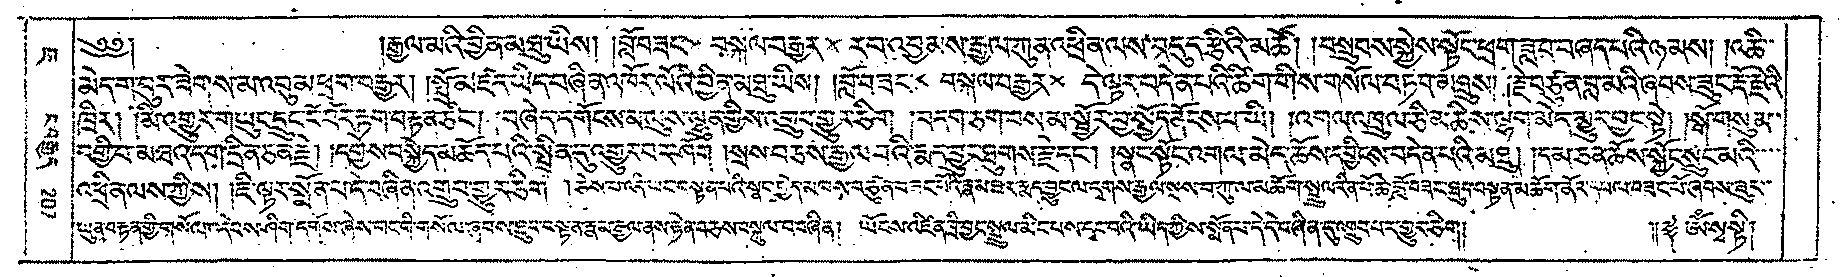༄༅། །རྒྱལ་མའི་བྱིན་མཐུ་ཡིས། །བློ་བཟང་྾་བསྐལ་བརྒྱར་྾་རབ་འབྱམས་རྒྱལ་ཀུན་འཕྲིན་ལས་བདུད་རྩིའི་མཚོ། །བསྲུབས་སྐྱེས་སྟོང་ཕྲག་ཟླ་བ་བཞད་པའི་ཉམས། །འཆི་
མེད་ག་བུར་ཟེགས་མ་འབུམ་ཕྲག་བརྒྱར། །སྤྲོ་མཛད་ཡིད་བཞིན་འཁོར་ལོའི་བྱིན་མཐུ་ཡིས། །བློ་བཟང་྾་བསྐལ་བརྒྱར་྾་དེ་ལྟར་བདེན་པའི་ཚིག་གིས་གསོལ་བཏབ་མཐུས། །རྗེ་བཙུན་བླ་མའི་ཞབས་ཟུང་རྡོ་རྗེའི་
ཁྲིར། །མི་འགྱུར་གཡུང་དྲུང་ངོ་བོར་རྟག་བརྟན་ཅིང་། །བཞེད་དགོངས་མ་ལུས་ལྷུན་གྱིས་འགྲུབ་གྱུར་ཅིག །བདག་ཅག་བསམ་སྦྱོར་བྱ་སྤྱོད་ནོངས་པ་ཡི། །འགལ་འཁྲུལ་ཅི་མཆིས་ལྷག་མེད་མྱུར་བྱང་སྟེ། །སྒོ་གསུམ་
བགྱི་བ་མཐའ་དག་དྲིན་ཅན་རྗེ། །དགྱེས་བསྐྱེད་མཆོད་པའི་སྤྲིན་དུ་འགྱུར་པར་ཤོག །སྲས་བཅས་རྒྱལ་བའི་རྨད་བྱུང་ཐུགས་རྗེ་དང་། །སྣང་སྟོང་འགལ་མེད་ཆོས་དབྱིངས་བདེན་པའི་མཐུ། །དམ་ཅན་ཆོས་སྐྱོང་སྲུང་མའི་
འཕྲིན་ལས་ཀྱིས། །ཇི་ལྟར་སྨོན་པ་དེ་བཞིན་འགྲུབ་གྱུར་ཅིག །ཅེས་པ་འདི་ཡང་བསྟན་པའི་སྣང་བྱེད་མཁས་བཙུན་བཟང་པོའི་རྣམ་ཐར་རྨད་བྱུང་ལ་དྭགས་རྒྱལ་སྲས་པ་ཀུ་ལ་མཆོག་སྤྲུལ་རིན་པོ་ཆེ་བློ་བཟང་ཐུབ་བསྟན་མཆོག་ནོར་དཔལ་བཟང་པོ་ཞབས་ཟུང་
ཡུན་བརྟན་གྱི་གསོལ་འདེབས་ཤིག་དགོས་ཞེས་གང་གི་གསོལ་ཞབས་ཐུབ་བསྟན་རྣམ་རྒྱལ་ནས་རྟེན་བཅས་བསྐུལ་བ་བཞིན། ཡོངས་འཛིན་ཁྲི་བྱང་སྤྲུལ་མིང་པས་དྭང་བའི་ཡིད་ཀྱིས་སྨོན་པ་དེ་དེ་བཞིན་དུ་འགྲུབ་པར་གྱུར་ཅིག ། །། ༈ ཨོཾ་སྭ་སྟི།